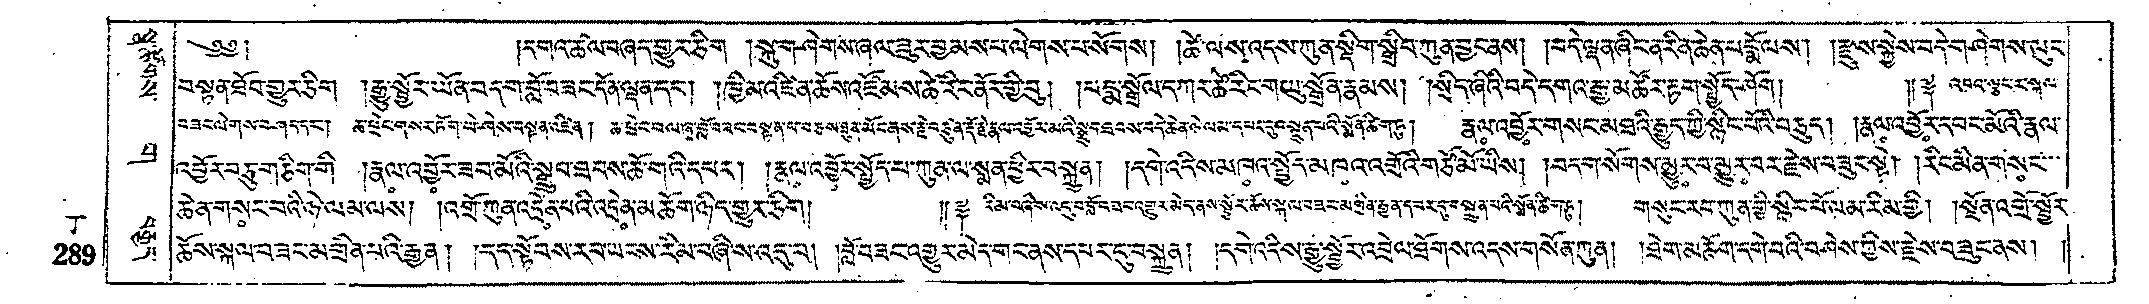༄༅། །དགའ་ཚལ་བཞད་གྱུར་ཅིག །སྐུ་གཤེགས་ཞལ་ཟུར་བྱམས་པ་ལེགས་པ་སོགས། །ཚེ་ལས་འདས་ཀུན་སྡིག་སྒྲིབ་ཀུན་བྱང་ནས། །བདེ་ལྡན་ཞིང་ན་རིན་ཆེན་པདམོ་ལས། །རྫུས་སྐྱེས་བདེ་གཤེགས་ལུང་
བསྟན་ཐོབ་གྱུར་ཅིག །རྒྱུ་སྦྱོར་ཡོན་བདག་བློ་བཟང་དོན་ལྡན་དང་། །ཁྱིམ་འཛིན་ཆོས་འཛོམས་ཚེ་རིང་ནོར་གྱི་བུ། །པདམ་སྒྲོལ་དཀར་ཚེ་རིང་གཡུ་སྒྲོན་རྣམས། །སྲིད་ཞིའི་བདེ་དགའ་རྒྱ་མཚོར་རྟག་སྤྱོད་ཤོག། །། འ་འབའ་ལྕང་ར་སྐལ་
བཟང་ལེགས་བཤད་དང་། ཆ་ཕྲེང་གསར་ཏོག་ཡེ་ཤེས་བསྟན་འཛིན། ཆ་ཕྲེང་བལ་ཞྭ་བློ་བཟང་བསྟན་པ་བཅས་ཐུན་མོང་ནས་རྗེ་བཙུན་རྡོ་རྗེ་རྣལ་འབྱོར་མའི་སྒྲུབ་ཐབས་བདེ་ཆེན་ཉེ་ལམ་དཔར་དུ་བསྐྲུན་པའི་སྨོན་ཚིག་ཏུ། རྣལ྾་འབྱོར྾་གསང་མཐའི་རྒྱུད་ཀྱི་སྙིང་པོའི་བཅུད། །རྣལ྾་འབྱོར྾་དབང་མོའི་རྣལ་
འབྱོར་བཅུ་གཅིག་གི །རྣལ྾་འབྱོར྾་ཟབ་མོའི་སྒྲུབ་ཐབས་ཆོ་གའི་དཔར། །རྣལ྾་འབྱོར྾་སྤྱོད་པ་ཀུན་ལ་སྨན་ཕྱིར་བསྐྲུན། །དགེ་འདིས་མཁའ྾་སྤྱོད་མཁའ྾་འགྲོའི་གཙོ་མོ་ཡིས། །བདག་སོགས་མྱུར྾་བ་མྱུར྾་བར་རྗེས་བཟུང་སྟེ། །རིང་མིན་གསང྾་་་
ཆེན་གསང྾་བའི་ཉེ་ལམ་ལས། །འགྲོ་ཀུན་འདྲེན྾་པའི་འདྲེན྾་མཆོག་ཉིད་གྱུར་ཅིག། །། འ་རིམ་བཞིས་འདུ་བ་བློ་བཟང་འགྱུར་མེད་ནས་སྦྱོར་ཆོས་སྐལ་བཟང་མགྲིན་རྒྱན་དཔར་དུ་བསྐྲུན་པའི་སྨོན་ཚིག་ཏུ།  གསུང་རབ་ཀུན་གྱི་སྙིང་པོ་ལམ་རིམ་གྱི། །སྔོན་འགྲོ་སྦྱོར་
ཆོས་སྐལ་བཟང་མགྲིན་པའི་རྒྱན། །དད་སྟོབས་རབ་ཡངས་རིམ་བཞིས་འདུ་བ། །བློ་བཟང་འགྱུར་མེད་གང་ནས་དཔར་དུ་བསྐྲུན། །དགེ་འདིས་རྒྱུ་སྦྱོར་འབྲེལ་ཐོགས་འདས་གསོན་ཀུན། །ཐེག་མཆོག་དགེ་བའི་བཤེས་ཀྱིས་རྗེས་བཟུང་ནས། །